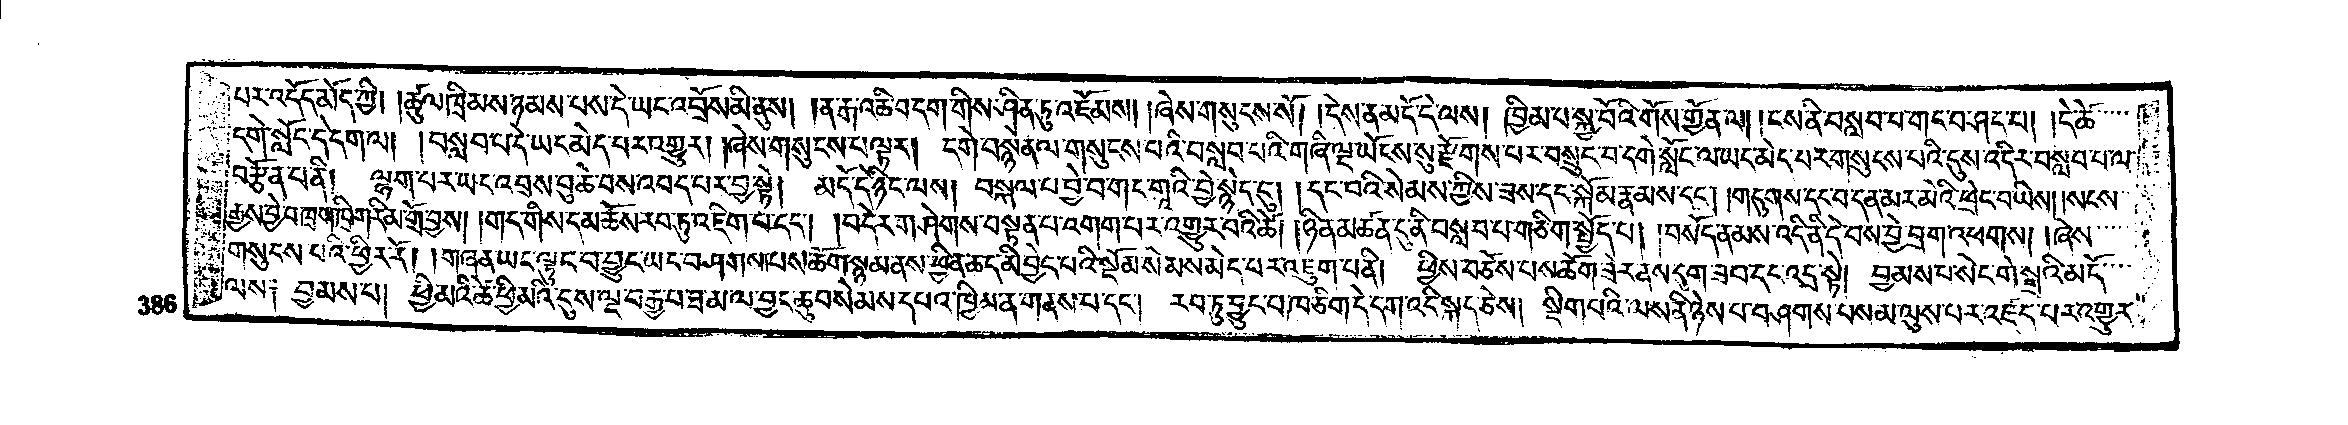པར་འདོད་མོད་ཀྱི། །ཚུལ་ཁྲིམས་ཉམས་པས་དེ་ཡང་འབྲོས་མི་ནུས། །ན་རྒ་འཆི་བ་དག་གིས་ཤིན་ཏུ་འཇོམས། །ཞེས་གསུངས་སོ། །དེས་ན་མདོ་དེ་ལས། ཁྱིམ་པ་སྐྱ་བོའི་གོས་གྱོན་ལ། །ངས་ནི་བསླབ་པ་གང་བཤད་པ། །དེ་ཚེ་
དགེ་སློང་དེ་དག་ལ། །བསླབ་པ་དེ་ཡང་མེད་པར་འགྱུར། །ཞེས་གསུངས་པ་ལྟར། དགེ་བསྙེན་ལ་གསུངས་པའི་བསླབ་པའི་གཞི་ལྔ་ཡོངས་སུ་རྫོགས་པར་བསྲུང་བ་དགེ་སློང་ལ་ཡང་མེད་པར་གསུངས་པའི་དུས་འདིར་བསླབ་པ་ལ་
བརྩོན་པ་ནི། ལྷག་པར་ཡང་འབྲས་བུ་ཆེ་བས་འབད་པར་བྱ་སྟེ། མདོ་དེ་ཉིད་ལས། བསྐལ་པ་བྱེ་བ་གང་གཱའི་བྱེ་སྙེད་དུ། །དང་བའི་སེམས་ཀྱིས་ཟས་དང་སྐོམ་རྣམས་དང་། །གདུགས་དང་བ་དན་མར་མེའི་ཕྲེང་བ་ཡིས། །སངས་
རྒྱས་བྱེ་བ་ཁྲག་ཁྲིག་རིམ་གྲོ་བྱས། །གང་གིས་དམ་ཆོས་རབ་ཏུ་འཇིག་པ་དང་། །བདེར་གཤེགས་བསྟན་པ་འགག་པར་འགྱུར་བའི་ཚེ། །ཉིན་མཚན་དུ་ནི་བསླབ་པ་གཅིག་སྤྱོད་པ། །བསོད་ནམས་འདི་ནི་དེ་བས་བྱེ་བྲག་འཕགས། །ཞེས་
གསུངས་པའི་ཕྱིར་རོ། །གཞན་ཡང་ལྟུང་བ་བྱུང་ཡང་བཤགས་པས་ཆོག་སྙམ་ནས་ཕྱིན་ཆད་མི་བྱེད་པའི་སྡོམ་སེམས་མེད་པར་འཇུག་པ་ནི། ཕྱིས་བཅོས་པས་ཆོག་ཟེར་ནས་དུག་ཟ་བ་དང་འདྲ་སྟེ། བྱམས་པ་སེང་གེ་སྒྲའི་མདོ་
ལས༑ བྱམས་པ། ཕྱི་མའི་ཚེ་ཕྱི་མའི་དུས་ལྔ་བརྒྱ་པ་ཐ་མ་ལ་བྱང་ཆུབ་སེམས་དཔའ་ཁྱིམ་ན་གནས་པ་དང་། རབ་ཏུ་བྱུང་བ་ཁ་ཅིག་དེ་དག་འདི་སྐད་ཅེས། སྡིག་པའི་ལས་ནི་ཉེས་པ་བཤགས་པས་མ་ལུས་པར་འཛད་པར་འགྱུར་